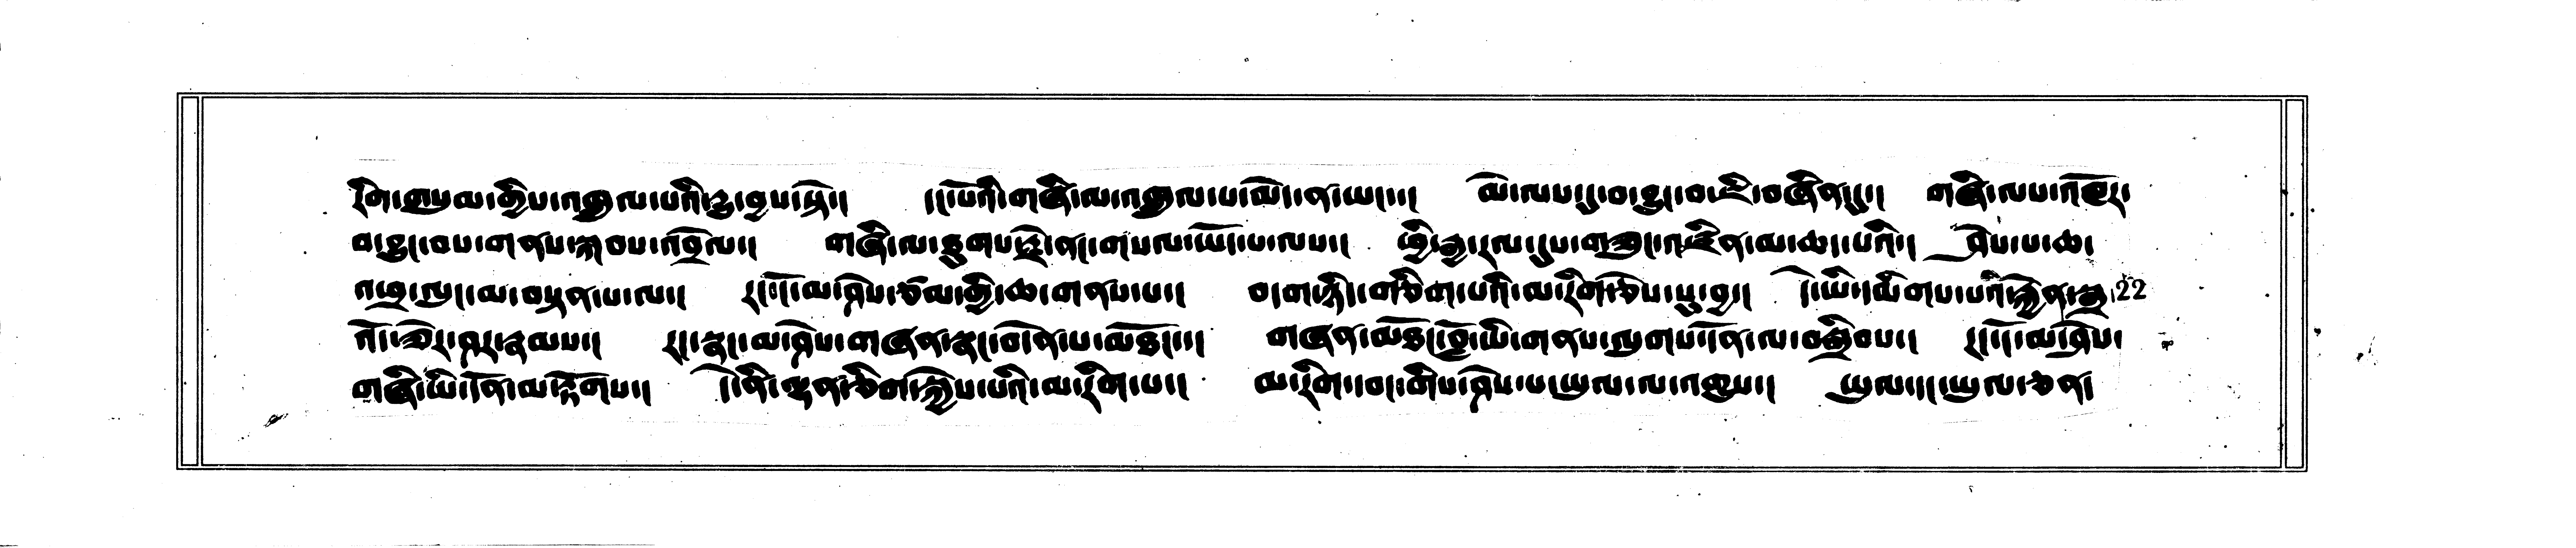རིག་གསུམ་གྱིས་འཁྲུལ་པའི་རྒྱུ་བྱས་ཏེ། །དང་པོའི་གཞི་ལ་འཁྲུལ་པ་མེད་ན་ཡང་། །མེ་ལས་དུ་བ་བྱུང་བ་ཇི་བཞིན་དུ། །གཞི་ལས་འཁོར་
བ་བྱུང་བས་གནས་སྐབས་འབྲེལ། །གཞི་ལ་ཐུགས་རྗེ་ནང་གསལ་ཡོད་པ་ལས། །ཕྱི་རྒྱ་རལ་དུས་གཟུང་འཛིན་མ་ཆད་པས། །ཤེས་པ་ཆ་
འཕྲ་ལུང་མ་བསྟན་པ་ལ། །རང་ངོ་མ་ཤེས་ཙམ་གྱི་ཆ་གནས་པ། །བདག་ཉིད་གཅིག་པའི་མ་རིག་ཅེས་སུ་བྱ། །དེ་ཡི་དམིགས་རྐྱེན་སྒྲ་
འོད་ཟེར་ཤར་རྣམས། །རང་སྣང་མ་ཤེས་གཞན་སྣང་བདེན་པ་མཐོང་། །གཞན་མཐོང་བློ་ཡིས་གནས་ལུགས་དོན་ལ་བསྒྲིབས། །རང་ངོ་མ་ཤེས་
གཞི་ཡི་དོན་མ་རྟོགས། །དེ་ནི་ལྷན་ཅིག་སྐྱེས་པའི་མ་རིག་པ། །མ་རིག་དབང་གིས་ཤེས་པ་ཡུལ་ལ་འགྱུས། །ཡུལ་དང་ཡུལ་ཅན་